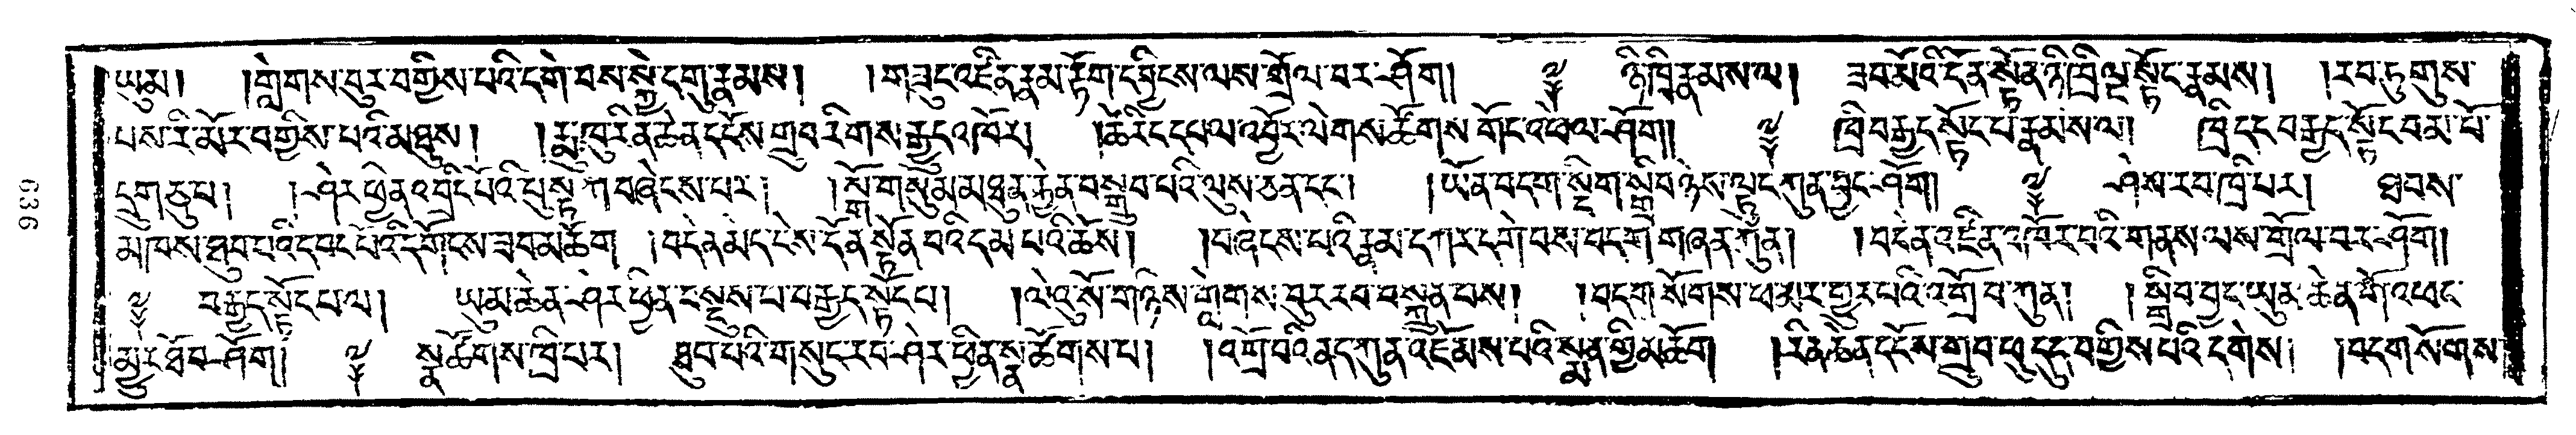ཡུམ། །གླེགས་བུར་བགྱིས་པའི་དགེ་བས་སྐྱེ་དགུ་རྣམས། །གཟུང་འཛིན་རྣམ་རྟོག་དབྱིངས་ལས་གྲོལ་བར་ཤོག། ༈ ཉི་ཁྲི་རྣམས་ལ། ཟབ་མོའི་དོན་སྟོན་ཉི་ཁྲི་ལྔ་སྟོང་རྣམས། །རབ་ཏུ་གུས་
པས་རི་མོར་བགྱིས་པའི་མཐུས། །རྨུ་ཁུ་རིན་ཆེན་དངོས་གྲུབ་རིགས་རྒྱུད་འཁོར། །ཚེ་རིང་དཔལ་འབྱོར་ལེགས་ཚོགས་གོང་འཕེལ་ཤོག། ༈ ཁྲི་བརྒྱད་སྟོང་པ་རྣམས་ལ། ཁྲི་དང་བརྒྱད་སྟོང་བམ་པོ་
དྲུག་ཅུ་པ། །ཤེར་ཕྱིན་འབྲིང་པོའི་པུསྟ་ཀ་བཞེངས་པར། །སྒོ་གསུམ་མཐུན་རྐྱེན་བསྒྲུབ་པའི་ལུས་ཅན་དང་། །ཡོན་བདག་སྡིག་སྒྲིབ་ཉེས་ལྟུང་ཀུན་བྱང་ཤོག། ༈ ཤེས་རབ་ཁྲི་པར། ཐབས་
མཁས་ཐུབ་པའི་དབང་པོའི་དགོངས་ཟབ་མཆོག །བདེན་མེད་ངེས་དོན་སྟོན་བའི་དམ་པའི་ཆོས། །བཞེངས་པའི་རྣམ་དཀར་དགེ་བས་བདག་གཞན་ཀུན། །བདེན་འཛིན་འཁོར་བའི་གནས་ལས་གྲོལ་བར་ཤོག།
༈ བརྒྱད་སྟོང་པ་ལ། ཡུམ་ཆེན་ཤེར་ཕྱིན་བསྡུས་པ་བརྒྱད་སྟོང་པ། །ལེའུ་སོ་གཉིས་གླེགས་བུར་རབ་བསྐྲུན་པས། །བདག་སོགས་ཕ་མར་གྱུར་པའི་འགྲོ་བ་ཀུན། །སྒྲིབ་བྱང་ཡུམ་ཆེན་གོ་འཕང་
མྱུར་ཐོབ་ཤོག། ༈ སྣ་ཚོགས་ཁྲི་པར། ཐུབ་པའི་གསུང་རབ་ཤེར་ཕྱིན་སྣ་ཚོགས་པ། །འགྲོ་བའི་ནད་ཀུན་འཇོམས་པའི་སྨན་གྱི་མཆོག །རིན་ཆེན་དངོས་གྲུབ་ཕུ་དུད་བགྱིས་པའི་དགེས། །བདག་སོགས་